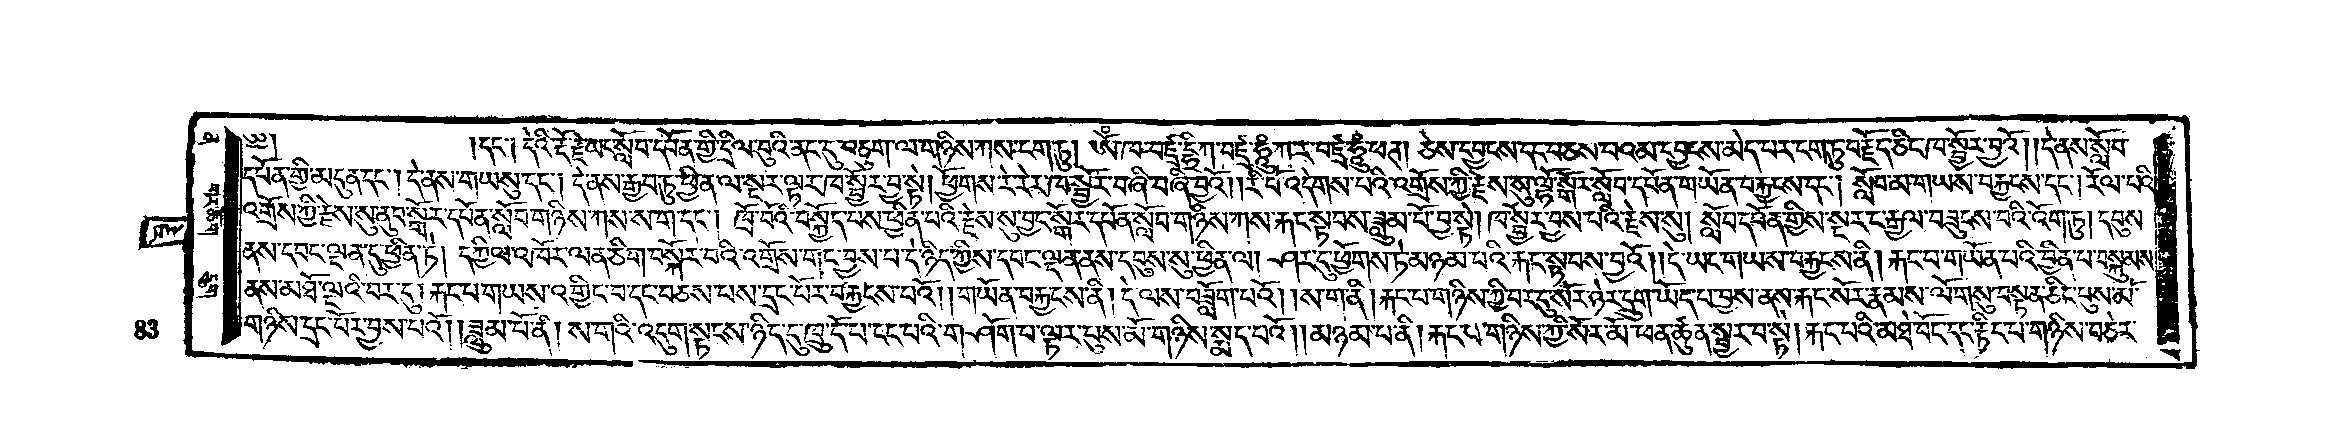༄༅། །དང༑ དེའི་རྡོ་རྗེ་ཡང་སློབ་དཔོན་གྱི་དྲིལ་བུའི་ནང་དུ་བཅུག་ལ་གཉིས་ཀས་ངག་ཏུ། ཨོཾ་ཁ་བཛྲ་དྷྲིཀ་བཛྲ་ཧཱུཾ་ཀ་ར་བཛྲ་ཧཱུཾ་ཕཊ། ཅེས་དབྱངས་དང་བཅས་པའམ་དབྱངས་མེད་པར་ངག་ཏུ་བརྗོད་ཅིང་ཁ་སྦྱོར་བྱའོ། །དེ་ནས་སློབ་
དཔོན་གྱི་མདུན་དང་། དེ་ནས་གཡས་སུ་དང་། དེ་ནས་རྒྱབ་ཏུ་ཕྱིན་ལ་སྔར་ལྟར་ཁ་སྦྱོར་བྱ་སྟེ། ཕྱོགས་རེ་རེར་ཁ་སྦྱོར་བཞི་བཞི་བྱའོ། །རི་བོ་འདེགས་པའི་འགྲོས་ཀྱི་རྗེས་སུ་སྒྲོ་སློབ་དཔོན་གཡོན་བརྐྱངས་དང་། སློབ་མ་གཡས་བརྐྱངས་དང་། རོལ་པའི་
འགྲོས་ཀྱི་རྗེས་སུ་ནུབ་སྒོར་དཔོན་སློབ་གཉིས་ཀས་ས་ག་དང་། ཁྲོ་བོའི་བསྐྱོད་པས་ཕྱིན་པའི་རྗེས་སུ་བྱང་སྒོར་དཔོན་སློབ་གཉིས་ཀས་རྐང་སྟབས་ཟླུམ་པོ་བྱ་སྟེ། ཁ་སྦྱོར་བྱས་པའི་རྗེས་སུ། སློབ་དཔོན་གྱིས་སྔར་ང་རྒྱལ་བཟུངས་བའི་འོག་ཏུ། དབུས་
ནས་དབང་ལྡན་དུ་ཕྱིན་ཏེ། དཀྱིལ་འཁོར་ལན་ཅིག་བསྐོར་བའི་འགྲོས་གང་བྱས་པ་དེ་ཉིད་ཀྱིས་དབང་ལྡན་ནས་དབུས་སུ་ཕྱིན་ལ། ཤར་དུ་ཕྱོགས་ཏེ་མཉམ་པའི་རྐང་སྟབས་བྱའོ། །དེ་ཡང་གཡས་བརྐྱངས་ནི། རྐང་པ་གཡོན་པའི་བྱིན་པ་བསྐུམས་
ནས་མཐོ་ལྔའི་བར་དུ། རྐང་པ་གཡས་འགྱིང་བ་དང་བཅས་པས་དྲང་པོར་བརྐྱངས་པའོ། །གཡོན་བརྐྱངས་ནི། དེ་ལས་བཟློག་པའོ། །ས་ག་ནི། རྐང་པ་གཉིས་ཀྱི་བར་དུ་སོར་ཉེར་དྲུག་ཡོད་པ་བྱས་ནས་རྐང་སོར་རྣམས་ལོགས་སུ་བསྟན་ཅིང་པུས་མོ་
གཉིས་དྲང་པོར་བྱས་པའོ། །ཟླུམ་པོ་ནི། ས་གའི་འདུག་སྟངས་ཉིད་དུ་ཁྲུ་དོ་པ་ངང་པའི་གཤོག་པ་ལྟར་པུས་མོ་གཉིས་སྨད་པའོ། །མཉམ་པ་ནི། རྐང་པ་གཉིས་ཀྱི་སོར་མོ་ཕན་ཚུན་སྦྱར་བ་སྟེ། རྐང་པའི་མཐེ་བོང་དང་རྟིང་པ་གཉིས་བཅེར་